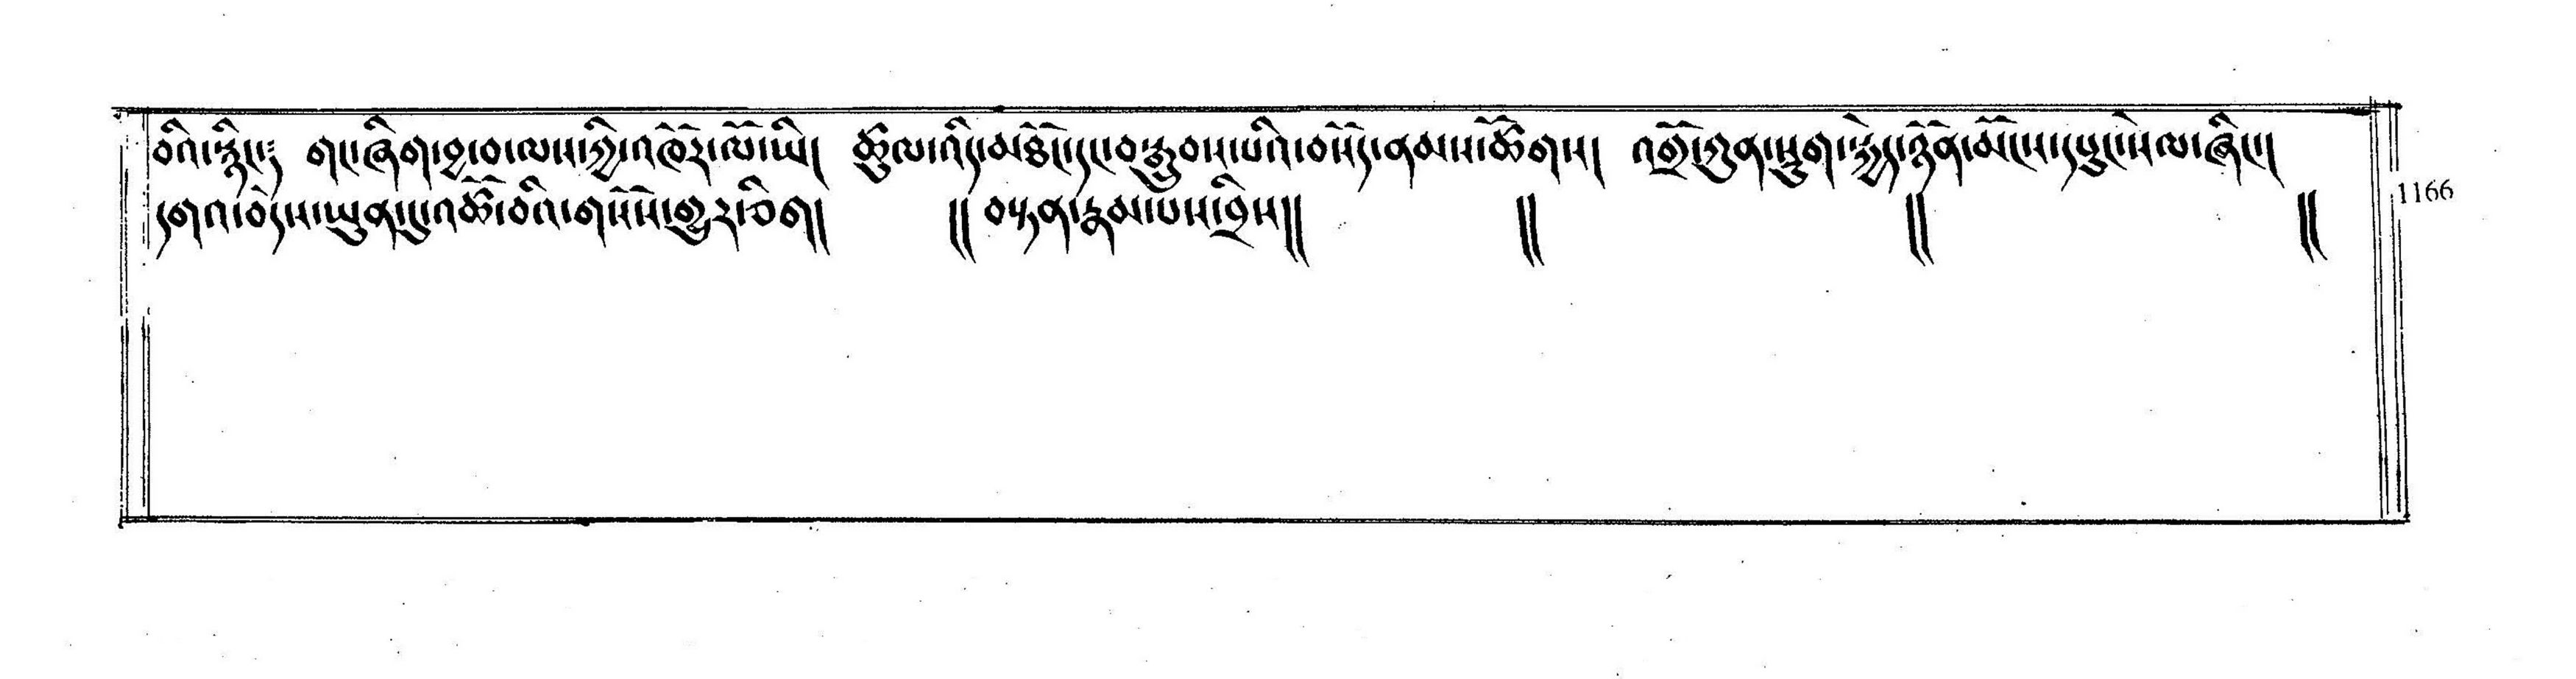བའི་སྙིང་། གང་ཞིག་བྱ་བ་ལས་ཀྱི་འཁོར་ལོ་ཡི། ཚུལ་འདི་མཐོང་དང་བསྒྲུབས་པའི་བསོད་ནམས་ཚོགས། འགྲོ་ཀུན་སྡུག་སྐྱེད་ཉོན་མོངས་དཔུང་སེལ་ཞིང་། 
དགའ་བདེས་ཡུན་དུ་འཚོ་བའི་གསོས་གྱུར་ཅིག །།བསྟན་རྣམ་པས་བྲིས།། །། །།